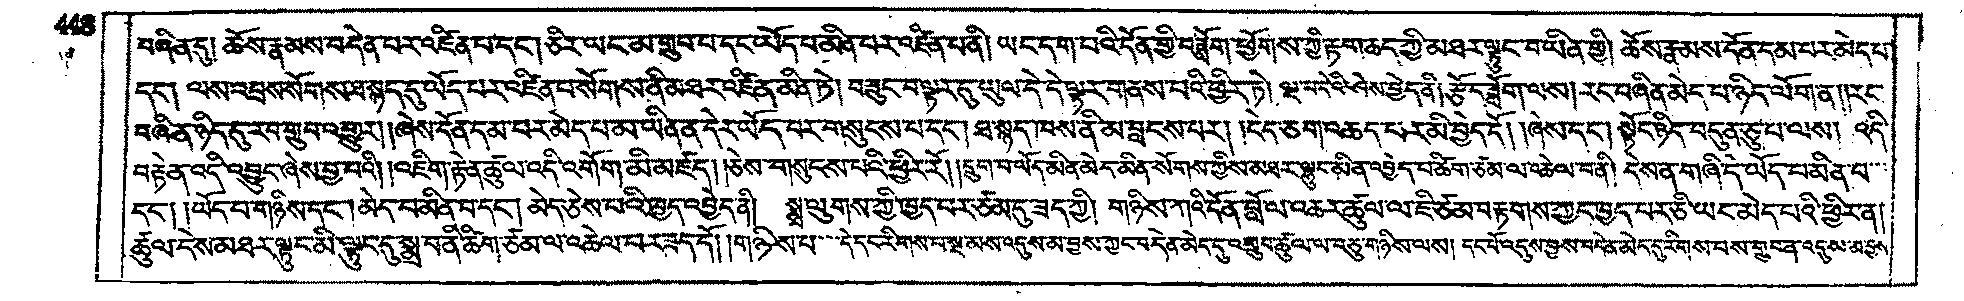བཞིན་དུ། ཆོས་རྣམས་བདེན་པར་འཛིན་པ་དང་། ཅིར་ཡང་མ་གྲུབ་པ་དང་ཡོད་པ་མིན་པར་འཛིན་པ་ནི། ཡང་དག་པའི་དོན་གྱི་བཟློག་ཕྱོགས་ཀྱི་རྟག་ཆད་ཀྱི་མཐར་ལྟུང་བ་ཡིན་གྱི། ཆོས་རྣམས་དོན་དམ་པར་མེད་པ་
དང་། ལས་འབྲས་སོགས་ཐ་སྙད་དུ་ཡོད་པར་འཛིན་པ་སོགས་ནི་མཐར་འཛིན་མིན་ཏེ། བཟུང་བ་ལྟར་དུ་ཡུལ་དེ་དེ་ལྟར་གནས་པའི་ཕྱིར་ཏེ། ལྔ་པ་དེའི་ཤེས་བྱེད་ནི།  རྩོད་ཟློག་ལས། རང་བཞིན་མེད་པ་ཉིད་ལོག་ན། །རང་
བཞིན་ཉིད་དུ་རབ་གྲུབ་འགྱུར། །ཞེས་དོན་དམ་པར་མེད་པ་མ་ཡིན་ན་དེར་ཡོད་པར་གསུངས་པ་དང་། ཐ་སྙད་ཁས་ནི་མ་བླངས་པར། །ངེད་ཅག་འཆད་པར་མི་བྱེད་དོ། །ཞེས་དང་། སྟོང་ཉིད་བདུན་ཅུ་པ་ལས། འདི་
བརྟེན་འདི་འབྱུང་ཞེས་བྱ་བའི། །འཇིག་རྟེན་ཚུལ་འདི་འགོག་མི་མཛད། །ཅེས་གསུངས་པའི་ཕྱིར་རོ། །དྲུག་པ་ཡོད་མིན་མེད་མིན་སོགས་ཀྱིས་མཐར་ལྷུང་མིན་འབྱེད་པ་ཚིག་ཙམ་ལ་འཆེལ་བ་ནི།  དེས་ན་གཞི་དེ་ཡོད་པ་མིན་པ་
དང་། །ཡོད་པ་གཉིས་དང་། མེད་པ་མིན་པ་དང་། མེད་ཅེས་པའི་ཁྱད་འབྱེད་ནི། །སྨྲ་ལུགས་ཀྱི་ཁྱད་པར་ཙམ་དུ་ཟད་ཀྱི། གཉིས་ཀའི་དོན་བློ་ལ་འཆར་ཚུལ་ལ་ཇི་ཙམ་བརྟགས་ཀྱང་ཁྱད་པར་ཅི་ཡང་མེད་པའི་ཕྱིར་ན།
ཚུལ་དེས་མཐར་ལྟུང་མི་ལྟུང་དུ་སྨྲ་བ་ནི་ཚིག་ཙམ་ལ་འཆེལ་བར་ཟད་དོ། །གཉིས་པདེ་དང་རིགས་པ་སྔ་མས་འདུས་མ་བྱས་ཀྱང་བདེན་མེད་དུ་འགྲུབ་ཚུལ་ལ་བཅུ་གཉིས་ལས། དང་པོ་འདུས་བྱས་བདེན་མེད་དུ་རིགས་པས་གྲུབ་ན་འདུས་མ་བྱས་